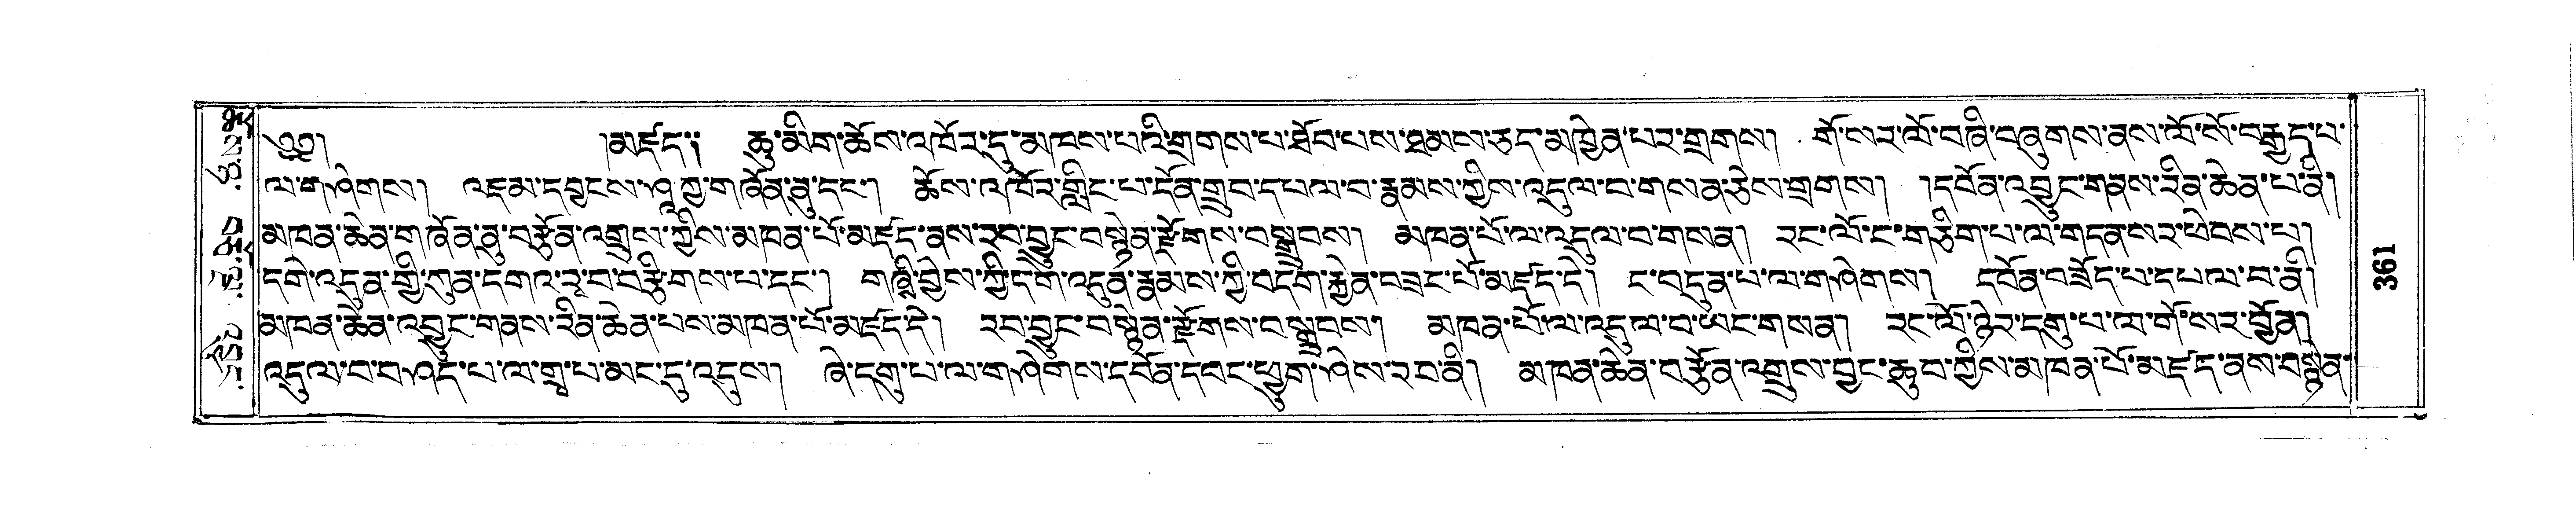༄༅། །མཛད༑ ཆུ་མིག་ཆོས་འཁོར་དུ་མཁས་པའི་གྲགས་པ་ཐོབ་པས་ཐམས་ཅད་མཁྱེན་པར་གྲགས། གོ་སར་ལོ་བཞི་བཞུགས་ནས་ལོ་སོ་བརྒྱད་པ་
ལ་གཤེགས། འཇམ་དབྱངས་ཤཱཀྱ་གཞོན་ནུ་དང་། ཆོས་འཁོར་གླིང་པ་དོན་གྲུབ་དཔལ་བ་རྣམས་ཀྱིས་འདུལ་བ་གསན་ཅེས་གྲགས། །དབོན་འབྱུང་གནས་རིན་ཆེན་པ་ནི།
མཁན་ཆེན་གཞོན་ནུ་བརྩོན་འགྲུས་ཀྱིས་མཁན་པོ་མཛད་ནས་རབ་བྱུང་བསྙེན་རྫོགས་བསྒྲུབས། མཁན་པོ་ལ་འདུལ་བ་གསན། རང་ལོ་ང་གཅིག་པ་ལ་གདན་སར་ཕེབས་པ།
དགེ་འདུན་གྱི་ཀུན་དགའ་རྭ་བ་བརྩིགས་པ་དང་། གཞིས་བྱེས་ཀྱི་དགེ་འདུན་རྣམས་ཀྱི་བདག་རྐྱེན་བཟང་པོ་མཛད་དེ། ང་བདུན་པ་ལ་གཤེགས། དབོན་བཟོད་པ་དཔལ་བ་ནི།
མཁན་ཆེན་འབྱུང་གནས་རིན་ཆེན་པས་མཁན་པོ་མཛད་དེ། རབ་འབྱུང་བསྙེན་རྫོགས་བསྒྲུབས། མཁན་པོ་ལ་འདུལ་བ་ཡང་གསན། རང་ལོ་ཉེར་དགུ་པ་ལ་གོ་སར་བྱོན།
འདུལ་བ་བཤད་པ་ལ་གྲྭ་པ་མང་དུ་འདུས། ཞེ་དགུ་པ་ལ་གཤེགས་དབོན་དབང་ཕྱུག་ཤེས་རབ་ནི། མཁན་ཆེན་བརྩོན་འགྲུས་བྱང་ཆུབ་ཀྱིས་མཁན་པོ་མཛད་ནས་བསྙེན་